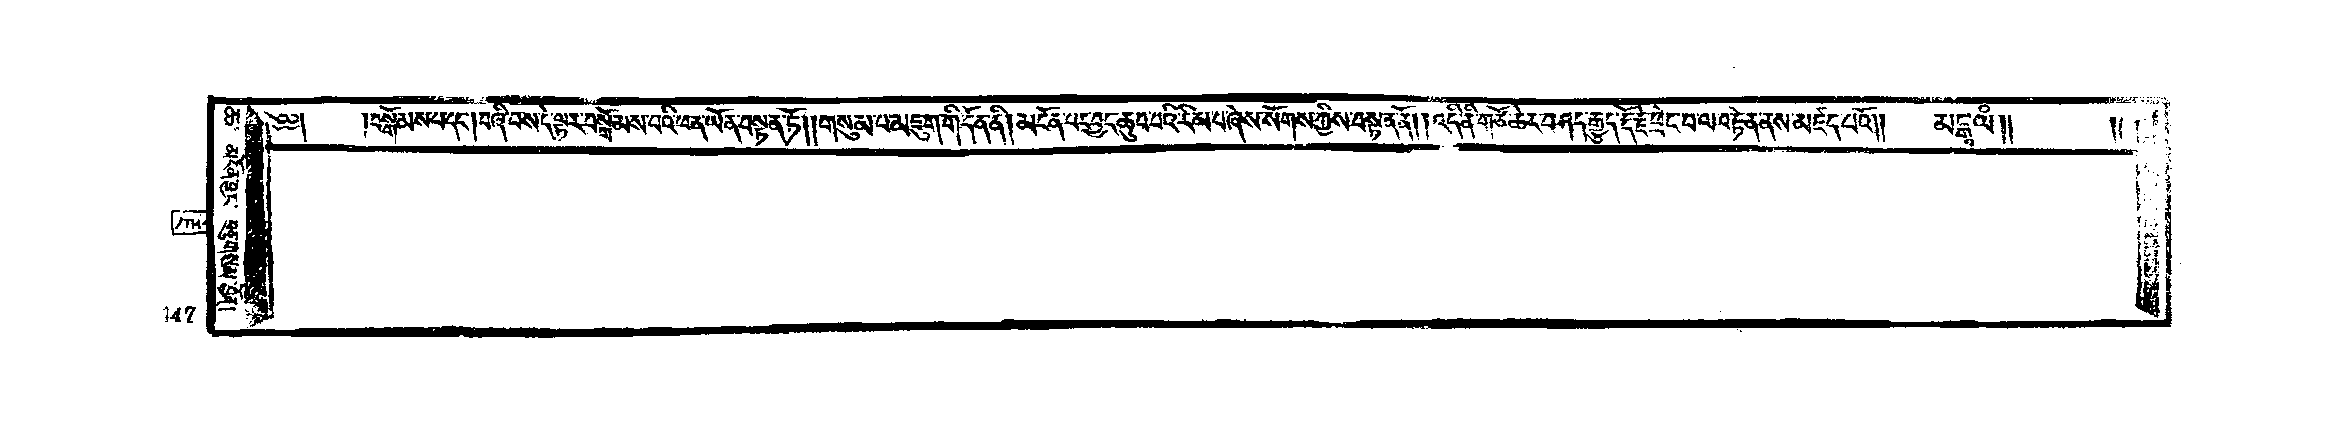༄༅། །བསྒོམས་པ་དང་། བཞི་པས་དེ་ལྟར་བསྒོམས་པའི་ཕན་ཡོན་བསྟན་ཏོ། །གསུམ་པ་མཇུག་གི་དོན་ནི། མངོན་པར་བྱང་ཆུབ་པའི་རིམ་པ་ཞེས་སོགས་ཀྱིས་བསྟན་ནོ། །འདི་ནི་གཙོ་ཆེར་བཤད་རྒྱུད་རྡོ་རྗེ་ཕྲེང་བ་ལ་བརྟེན་ནས་མཛད་པའོ། །མངྒཱ་ལཾ།། །།